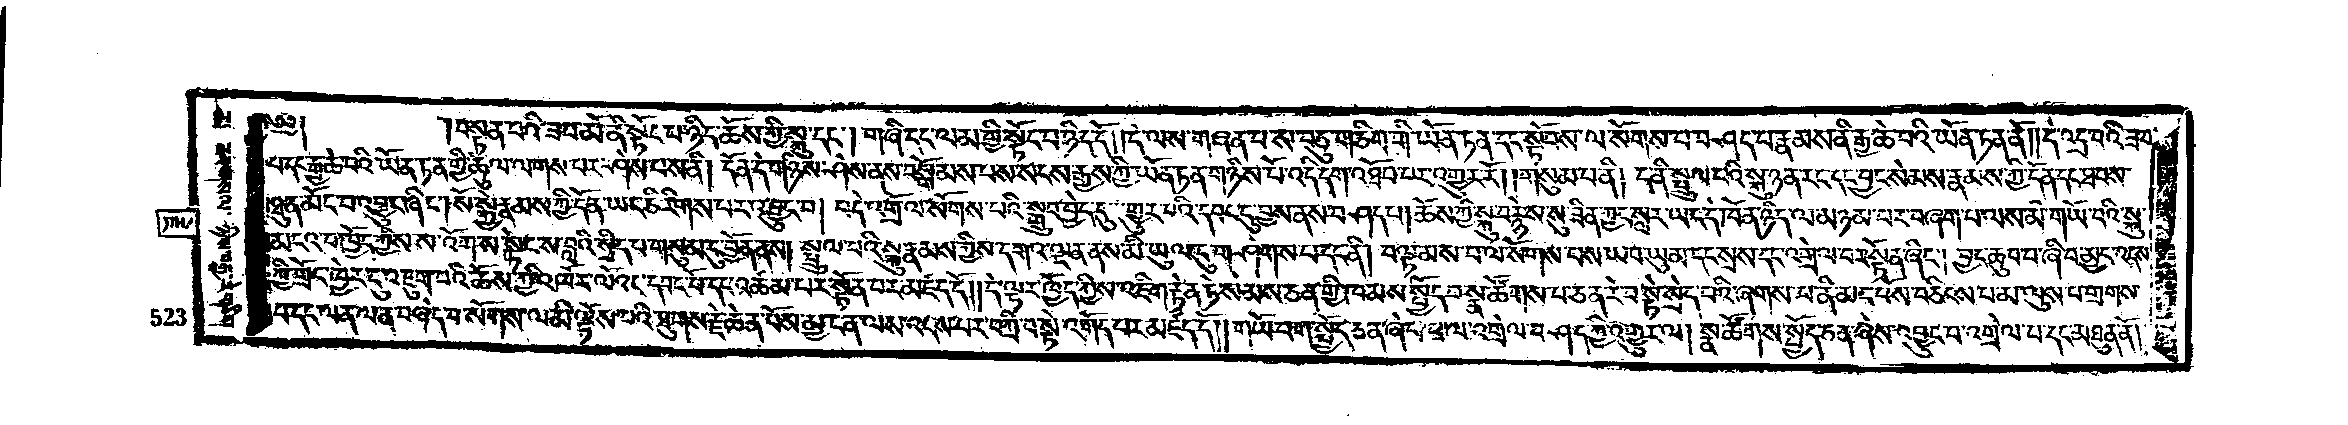༄༅། །བསྟན་པའི་ཟབ་མོ་ནི་སྟོང་པ་ཉིད་ཆོས་ཀྱི་སྐུ་དང་། གཞི་དང་ལམ་གྱི་སྟོང་པ་ཉིད་དོ། །དེ་ལས་གཞན་པ་ས་བཅུ་གཅིག་གི་ཡོན་ཏན་དང་སྟོབས་ལ་སོགས་པ་བཤད་པ་རྣམས་ནི་རྒྱ་ཆེ་བའི་ཡོན་ཏན་ནོ། །དེ་འདྲ་བའི་ཟབ་
པ་དང་རྒྱ་ཆེ་བའི་ཡོན་ཏན་གྱི་ཚུལ་ལེགས་པར་ཤེས་པས་ནི། དོན་དེ་གཉིས་ཤེས་ནས་བསྒོམས་པས་སངས་རྒྱས་ཀྱི་ཡོན་ཏན་གཉིས་པོ་འདི་དག་འཐོབ་པར་འགྱུར་རོ། །གསུམ་པ་ནི། ད་ནི་སྤྲུལ་པའི་སྐུ་ཉན་རང་དང་བྱང་སེམས་རྣམས་ཀྱི་དོན་དང་ཐབས་
ཐུན་མོང་བ་འབྱུང་ཞེང་། སོ་སྐྱེ་རྣམས་ཀྱི་དོན་ཡང་ཅི་རིགས་པར་འབྱུང་བ། བདེ་འགྲོ་ལ་སོགས་པའི་སྒྲུབ་བྱེད་དུ་གྱུར་པའི་དབང་དུ་བྱས་ནས་བཤད་པ། ཆོས་ཀྱི་སྐུ་བརྙེས་སུ་ཟིན་ཀྱང་སླར་ཡང་དེ་ཁོ་ན་ཉིད་ལ་མཉམ་པར་བཞག་པ་ལས་མི་གཡོ་བའི་སྐུ་
མངའ་པ་ཁྱོད་ཀྱིས་ས་འོག་ས་སྟེང་ས་བླའི་སྲིད་པ་གསུམ་དུ་བྱོན་ནས། སྤྲུལ་བའི་སྐུ་རྣམས་ཀྱིས་དགའ་ལྡན་ནས་མི་ཡུལ་དུ་གཤེགས་པ་དང་ནི། བལྟམས་པ་ལ་སོགས་པས་ཡབ་ཡུམ་དང་སྲས་དང་འགྲེལ་བར་སྟོན་ཞིང་། བྱང་ཆུབ་པ་ཞི་བ་མྱང་འདས་
ཀྱི་གྲོང་ཁྱེར་དུ་འཇུག་པའི་ཆོས་ཀྱི་འཁོར་ལོའང་དབང་པོ་དང་འཚམ་པར་སྟོན་པར་མཛད་དོ། །དེ་ལྟར་ཁྱོད་ཀྱིས་འཇིག་རྟེན་ཏེ་སེམས་ཅན་གྱི་ཁམས་སྤྱོད་པ་སྣ་ཚོགས་པ་ཅན་རེ་བ་སྟེ་སྲེད་པའི་ཞགས་པ་ནི་མང་པོས་བཅིངས་པ་མ་ལུས་པ་གྲགས་
པ་དང་ཕན་ལན་བཞེད་པ་སོགས་ལ་མི་ལྟོས་པའི་ཐུགས་རྗེ་ཆེན་པོས་མྱ་ངན་ལས་འདས་པར་བཀྲི་བ་སྟེ་འགོད་པར་མཛད་དོ། །གཡོ་བག་སྤྱོད་ཅན་ཞེས་པ་ལ་འགྲེལ་བཤད་ཀྱི་འགྱུར་ལ། སྣ་ཚོགས་སྤྱོད་ཅན་ཞེས་འབྱུང་བ་འགྲེལ་པ་དང་མཐུན་ནོ། །